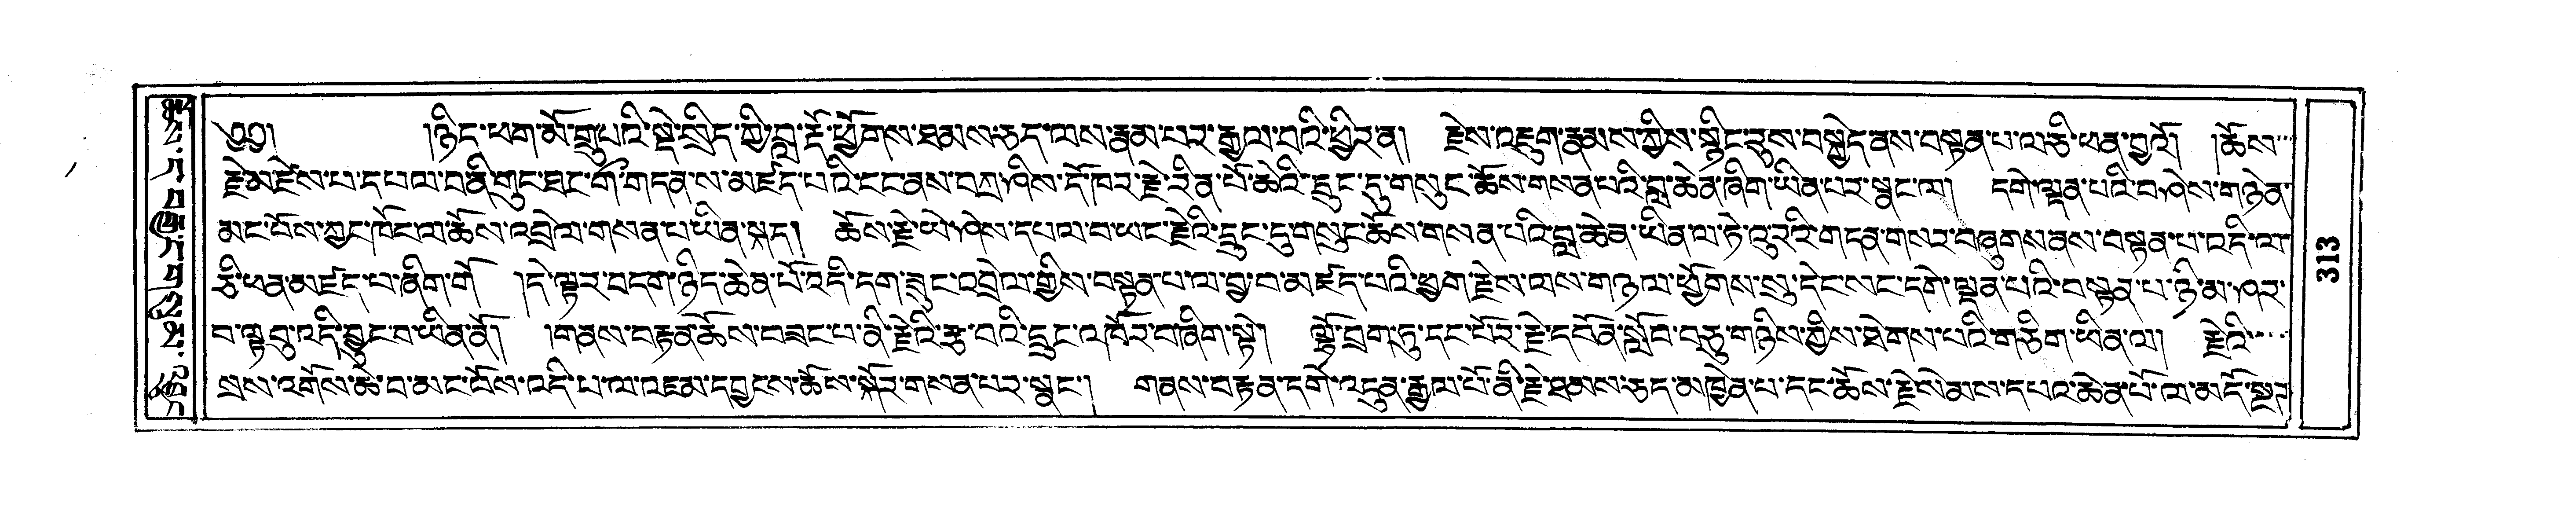༄༅། །ཉིད་ཕག་མོ་གྲུ་པའི་སྡེ་སྲིད་ཀྱི་བླ་རྡོ་ཕྱོགས་ཐམས་ཅད་ལས་རྣམ་པར་རྒྱལ་བའི་ཕྱིར་ན། རྗེས་འཇུག་རྣམས་ཀྱིས་སྙིང་རུས་བསྐྱེད་ནས་བསྟན་པ་ལ་ཅི་ཕན་བྱའོ། །ཆོས་
རྗེ་མཛེས་པ་དཔལ་བ་ནི་གུང་ཐང་གྀ་གདན་ས་མཛད་པའི་ངང་ནས་བཀྲ་ཤིས་དོ་ཁར་རྗེ་རིན་པོ་ཆེའི་དྲུང་དུ་གསུང་ཆོས་གསན་པའི་བླ་ཆེན་ཞིག་ཡིན་པར་སྣང་ལ། དགེ་ལྡན་པའི་བཤེས་གཉེན་
མང་པོས་ཀྱང་ཁོང་ལ་ཆོས་འབྲེལ་གསན་པ་ཡིན་སྐད། ཆོས་རྗེ་ཡེ་ཤེས་དཔལ་བ་ཡང་རྗེའི་དྲུང་དུ་གསུང་ཆོས་གསན་པའི་བླ་ཡེ་ཤེས་དཔལ་བ་ཡང་རྗེའི་དྲུང་དུ་གསུང་ཆོས་གསན་པའི་བླ་
ཅི་ཕན་མཛད་པ་ཞིག་གོ །དེ་ལྟར་བདག་ཉིད་ཆེན་པོ་འདི་དག་ཟུང་འབྲེལ་གྱིས་བསྟན་པ་ལ་བྱ་བ་མཛད་པའི་ཕྱག་རྗེས་ལས་གཉལ་ཕྱོགས་སུ་དེང་སང་དགེ་ལྡན་པའི་བསྟན་པ་ཉི་མ་ཤར་
བ་ལྟ་བུ་འདི་བྱུང་བ་ཡིན་ནོ། །གནས་བརྟན་ཆོས་བཟང་པ་ནི་རྗེའི་རྩ་བའི་དྲུང་འཁོར་བ་ཞིག་སྟེ། ལྷོ་བྲག་ཏུ་དང་པོར་རྗེ་དབོན་སློབ་བཅུ་གཉིས་ཀྱིས་ཐེགས་པའི་གཅིག་ཡིན་ལ། རྗེའི་
སྲས་འགོས་ཆེ་བ་མང་པོས་འདི་པ་ལ་འཇམ་དབྱངས་ཆོས་སྐོར་གསན་པར་སྣང་། གནས་བརྟན་དགེ་འདུན་རྒྱལ་པོ་ནི་རྗེ་ཐམས་ཅད་མཁྱེན་པ་དང་ཆོས་རྗེ་སེམས་དཔའ་ཆེན་པོ་ལ་མདོ་སྔཊ་